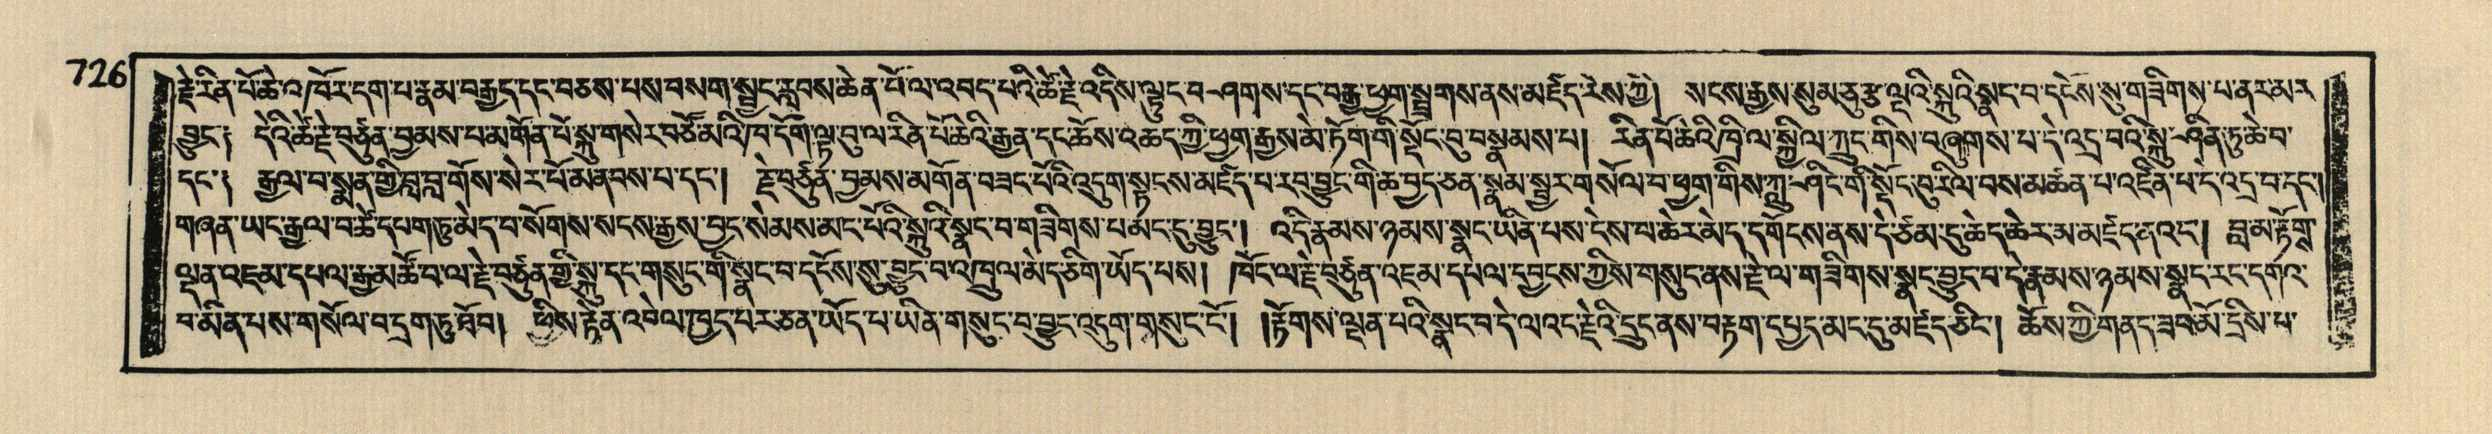རྗེ་རིན་པོ་ཆེ་འཁོར་དག་པ་རྣམ་བརྒྱད་དང་བཅས་པས་བསག་སྦྱང་རླབས་ཆེན་པོ་ལ་འབད་པའི་ཚེ་རྗེ་འདིས་ལྟུང་བཤགས་དང་བརྒྱ་ཕྱག་སྦྲགས་ནས་མཛད་རེས་ཀྱི། སངས་རྒྱས་སུམ་ཅུ་རྩ་ལྔའི་སྐུའི་སྣང་བ་དངོས་སུ་གཟིགས་པ་ནར་མར་
བྱུང༑ དེའི་ཚེ་རྗེ་བཙུན་བྱམས་པ་མགོན་པོ་སྐུ་གསེར་བཙོ་མའི་ཁ་དོག་ལྟ་བུ་ལ་རིན་པོ་ཆེའི་རྒྱན་དང་ཆོས་འཆད་ཀྱི་ཕྱག་རྒྱས་མེ་ཏོག་གི་སྡོང་བུ་བསྣམས་པ། རིན་པོ་ཆེའི་ཁྲིལ་སྐྱིལ་ཀྲུང་གིས་བཞུགས་པ་དེ་འདྲ་བའི་སྐུ་ཤིན་ཏུ་ཆེ་བ་
དང༑ རྒྱལ་བ་སྨན་གྱི་བླ་བླ་གོས་སེར་པོ་མནབས་པ་དང་། རྗེ་བཙུན་བྱམས་མགོན་བཟང་པོའི་འདུག་སྟངས་མཛད་པ་རབ་བྱུང་གི་ཆ་བྱད་ཅན་སྣམ་སྦྱར་གསོལ་བ་ཕྱག་གིས་ཀླུ་ཤིང་གི་སྡོང་བུ་རིལ་བས་མཚན་པ་འཛིན་པ་དེ་འདྲ་བ་དང་།
གཞན་ཡང་རྒྱལ་བ་ཚེ་དཔག་ཏུ་མེད་པ་སོགས་སངས་རྒྱས་བྱང་སེམས་མང་པོའི་སྐུའི་སྣང་བ་གཟིགས་པ་མང་དུ་བྱུང་། འདི་རྣམས་ཉམས་སྣང་ཡིན་པས་ངེས་པ་ཆེར་མེད་དགོངས་ནས་དེ་ཙམ་དུ་ཆེད་ཆེར་མ་མཛད་ནའང་། བླ་མ་རྟོགས་
ལྡན་འཇམ་དཔལ་རྒྱ་མཚོ་བ་ལ་རྗེ་བཙུན་གྱི་སྐུ་དང་གསུང་གི་སྣང་བ་དངོས་སུ་བྱུང་བ་འཁྲུལ་མེད་ཅིག་ཡོད་པས། ཁོང་ལ་རྗེ་བཙུན་འཇམ་དཔལ་དབྱངས་ཀྱིས་གསུང་ནས་རྗེ་ལ་གཟིགས་སྣང་བྱུང་བ་དེ་རྣམས་ཉམས་སྣང་རང་དགའ་
བ་མིན་པས་གསོལ་བ་དྲག་ཏུ་ཐོབ། ཕྱིས་རྟེན་འབེལ་ཁྱད་པར་ཅན་ཡོད་པ་ཡིན་གསུང་བ་བྱུང་འདུག་གསུང་ངོ། །རྟོགས་ལྡན་པའི་སྣང་བ་དེ་ལའང་རྗེའི་དྲུང་ནས་བརྟག་དཔྱད་མང་དུ་མཛད་ཅིང་། ཆོས་ཀྱི་གནད་ཟབ་མོ་དྲིས་པ་